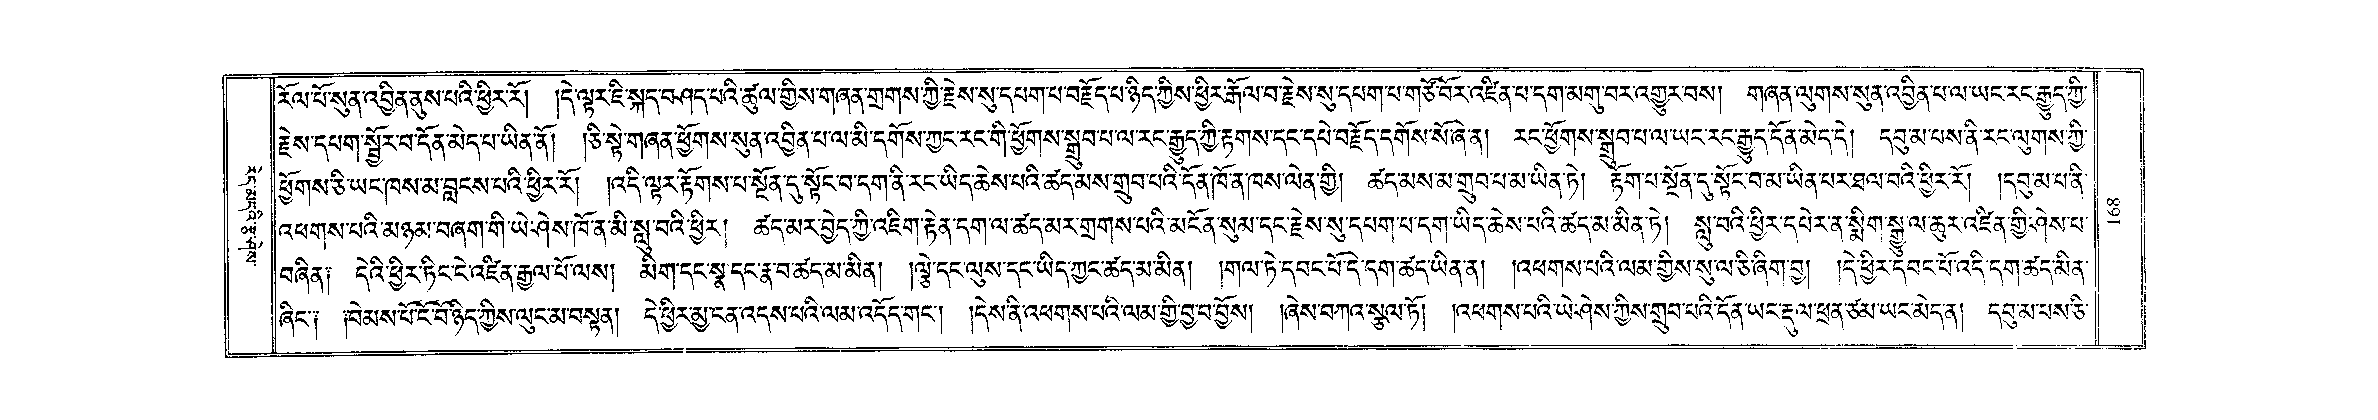རོལ་པོ་སུན་འབྱིན་ནུས་པའི་ཕྱིར་རོ། །དེ་ལྟར་ཇི་སྐད་བཤད་པའི་ཚུལ་གྱིས་གཞན་གྲགས་ཀྱི་རྗེས་སུ་དཔག་པ་བརྗོད་པ་ཉིད་ཀྱིས་ཕྱིར་རྒོལ་བ་རྗེས་སུ་དཔག་པ་གཙོ་བོར་འཛིན་པ་དག་མགུ་བར་འགྱུར་བས། གཞན་ལུགས་སུན་འབྱིན་པ་ལ་ཡང་རང་རྒྱུད་ཀྱི་
རྗེས་དཔག་སྦྱོར་བ་དོན་མེད་པ་ཡིན་ནོ། །ཅི་སྟེ་གཞན་ཕྱོགས་སུན་འབྱིན་པ་ལ་མི་དགོས་ཀྱང་རང་གི་ཕྱོགས་སྒྲུབ་པ་ལ་རང་རྒྱུད་ཀྱི་རྟགས་དང་དཔེ་བརྗོད་དགོས་སོ་ཞེ་ན། རང་ཕྱོགས་སྒྲུབ་པ་ལ་ཡང་རང་རྒྱུད་དོན་མེད་དེ། དབུ་མ་པས་ནི་རང་ལུགས་ཀྱི་
ཕྱོགས་ཅི་ཡང་ཁས་མ་བླངས་པའི་ཕྱིར་རོ། །འདི་ལྟར་རྟོགས་པ་སྔོན་དུ་སྟོང་བ་དག་ནི་རང་ཡིད་ཆེས་པའི་ཚད་མས་གྲུབ་པའི་དོན་ཁོ་ན་ཁས་ལེན་གྱི། ཚད་མས་མ་གྲུབ་པ་མ་ཡིན་ཏེ། རྟོག་པ་སྔོན་དུ་སྟོང་བ་མ་ཡིན་པར་ཐལ་བའི་ཕྱིར་རོ། །དབུ་མ་པ་ནི་
འཕགས་པའི་མཉམ་བཞག་གི་ཡེ་ཤེས་ཁོ་ན་མི་སླུ་བའི་ཕྱིར། ཚད་མར་བྱེད་ཀྱི་འཇིག་རྟེན་དག་ལ་ཚད་མར་གྲགས་པའི་མངོན་སུམ་དང་རྗེས་སུ་དཔག་པ་དག་ཡིད་ཆེས་པའི་ཚད་མ་མིན་ཏེ། སླུ་བའི་ཕྱིར་དཔེར་ན་སྨིག་སྒྱུ་ལ་ཆུར་འཛིན་གྱི་ཤེས་པ་
བཞིན༑ དེའི་ཕྱིར་ཏིང་ངེ་འཛིན་རྒྱལ་པོ་ལས། མིག་དང་སྣ་དང་རྣ་བ་ཚད་མ་མིན། །ལྕེ་དང་ལུས་དང་ཡིད་ཀྱང་ཚད་མ་མིན། །གལ་ཏེ་དབང་པོ་དེ་དག་ཚད་ཡིན་ན། །འཕགས་པའི་ལམ་གྱིས་སུ་ལ་ཅི་ཞིག་བྱ། །དེ་ཕྱིར་དབང་པོ་འདི་དག་ཚད་མིན་
ཞིང༑ །བེམས་པོ་ངོ་བོ་ཉིད་ཀྱིས་ལུང་མ་བསྟན། དེ་ཕྱིར་མྱ་ངན་འདས་པའི་ལམ་འདོད་གང་། །དེས་ནི་འཕགས་པའི་ལམ་གྱི་བྱ་བ་བྱོས། །ཞེས་བཀའ་སྩལ་ཏོ། །འཕགས་པའི་ཡེ་ཤེས་ཀྱིས་གྲུབ་པའི་དོན་ཡང་རྡུལ་ཕྲན་ཙམ་ཡང་མེད་ན། དབུ་མ་པས་ཅི་